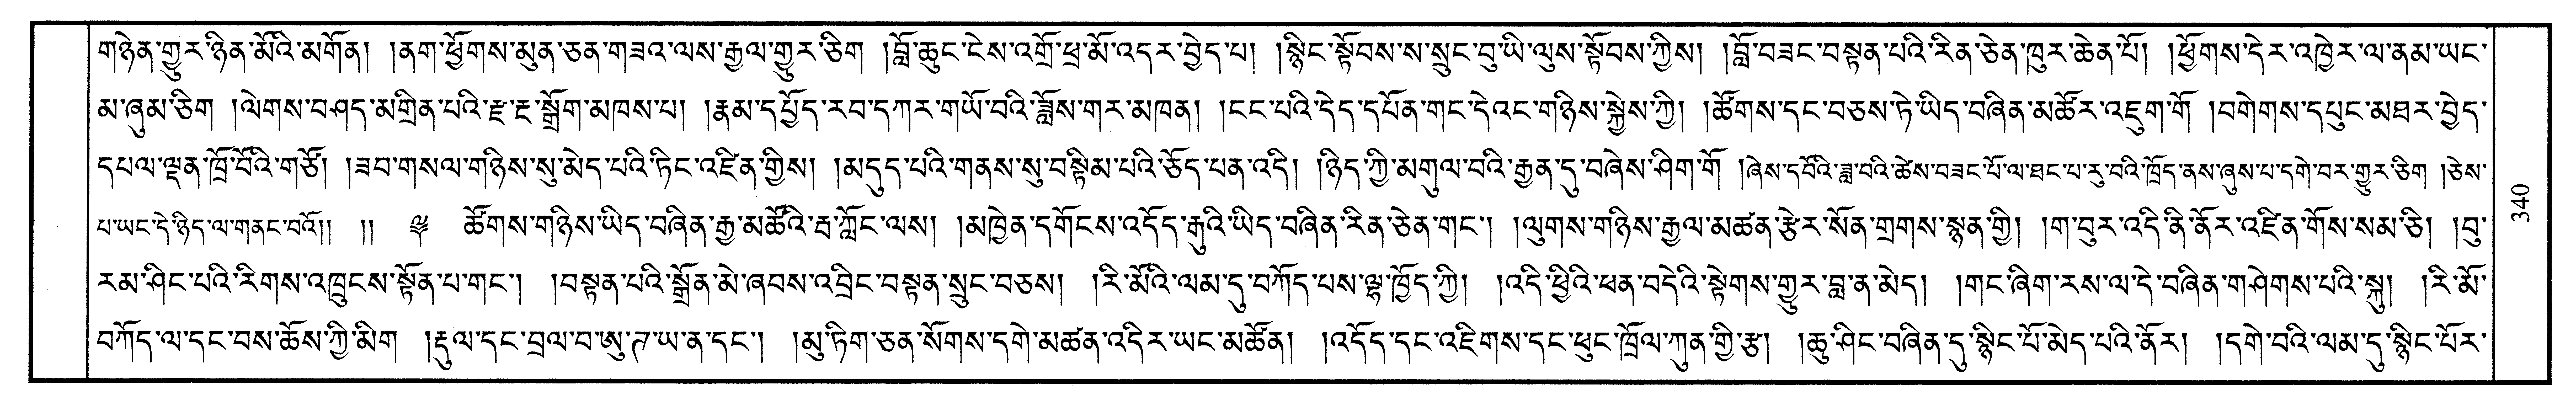གཉེན་གྱུར་ཉིན་མོའི་མགོན། །ནག་ཕྱོགས་མུན་ཅན་གཟའ་ལས་རྒྱལ་གྱུར་ཅིག །བློ་ཆུང་ངེས་འགྲོ་ཕྲ་མོ་འདར་བྱེད་པ། །སྙིང་སྟོབས་ས་སྲུང་བུ་ཡི་ལུས་སྟོབས་ཀྱིས། །བློ་བཟང་བསྟན་པའི་རིན་ཅེན་ཁུར་ཆེན་པོ། །ཕྱོགས་དེར་འཁྱེར་ལ་ནམ་ཡང་
མ་ཞུམ་ཅིག །ལེགས་བཤད་མགྲིན་པའི་རྫ་རྔ་སྒྲོག་མཁས་པ། །རྣམ་དཔྱོད་རབ་དཀར་གཡོ་བའི་ཟློས་གར་མཁན། །ངང་པའི་དེད་དཔོན་གང་དེའང་གཉིས་སྐྱེས་ཀྱི། །ཚོགས་དང་བཅས་ཏེ་ཡིད་བཞིན་མཚོར་འཇུག་གོ །བགེགས་དཔུང་མཐར་བྱེད་
དཔལ་ལྡན་ཁྲོ་བོའི་གཙོ། །ཟབ་གསལ་གཉིས་སུ་མེད་པའི་ཏིང་འཛིན་གྱིས། །མདུད་པའི་གནས་སུ་བསྟིམ་པའི་ཅོད་པན་འདི། །ཉིད་ཀྱི་མགུལ་བའི་རྒྱན་དུ་བཞེས་ཤིག་གོ །ཞེས་དབོའི་ཟླ་བའི་ཚེས་བཟང་པོ་ལ་ཐང་པ་རུ་བའི་ཁྲོད་ནས་ཞུས་པ་དགེ་བར་གྱུར་ཅིག །ཅེས་
པ་ཡང་དེ་ཉིད་ལ་གནང་བའོ།། །། ༈ ཚོགས་གཉིས་ཡིད་བཞིན་རྒྱ་མཚོའི་རྦ་ཀློང་ལས། །མཁྱེན་དགོངས་འདོད་རྒུའི་ཡིད་བཞིན་རིན་ཅེན་གང་། །ལུགས་གཉིས་རྒྱལ་མཚན་རྩེར་སོན་གྲགས་སྙན་གྱི། །ག་བུར་འདི་ནི་ནོར་འཛིན་གོས་སམ་ཅི། །བུ་
རམ་ཤིང་པའི་རིགས་འཁྲུངས་སྟོན་པ་གང་། །བསྟན་པའི་སྒྲོན་མེ་ཞབས་འབྲིང་བསྟན་སྲུང་བཅས། །རི་མོའི་ལམ་དུ་བཀོད་པས་ལྷ་ཁྱོད་ཀྱི། །འདི་ཕྱིའི་ཕན་བདེའི་སྟེགས་གྱུར་བླ་ན་མེད། །གང་ཞིག་རས་ལ་དེ་བཞིན་གཤེགས་པའི་སྐུ། །རི་མོ་
བཀོད་ལ་དང་བས་ཆོས་ཀྱི་མིག །རྡུལ་དང་བྲལ་བ་ཨུ་ཊ་ཡ་ན་དང་། །མུ་ཏིག་ཅན་སོགས་དགེ་མཚན་འདིར་ཡང་མཚོན། །འདོད་དང་འཇིགས་དང་ཕུང་ཁྲོལ་ཀུན་གྱི་རྩ། །ཆུ་ཤིང་བཞིན་དུ་སྙིང་པོ་མེད་པའི་ནོར། །དགེ་བའི་ལམ་དུ་སྙིང་པོར་